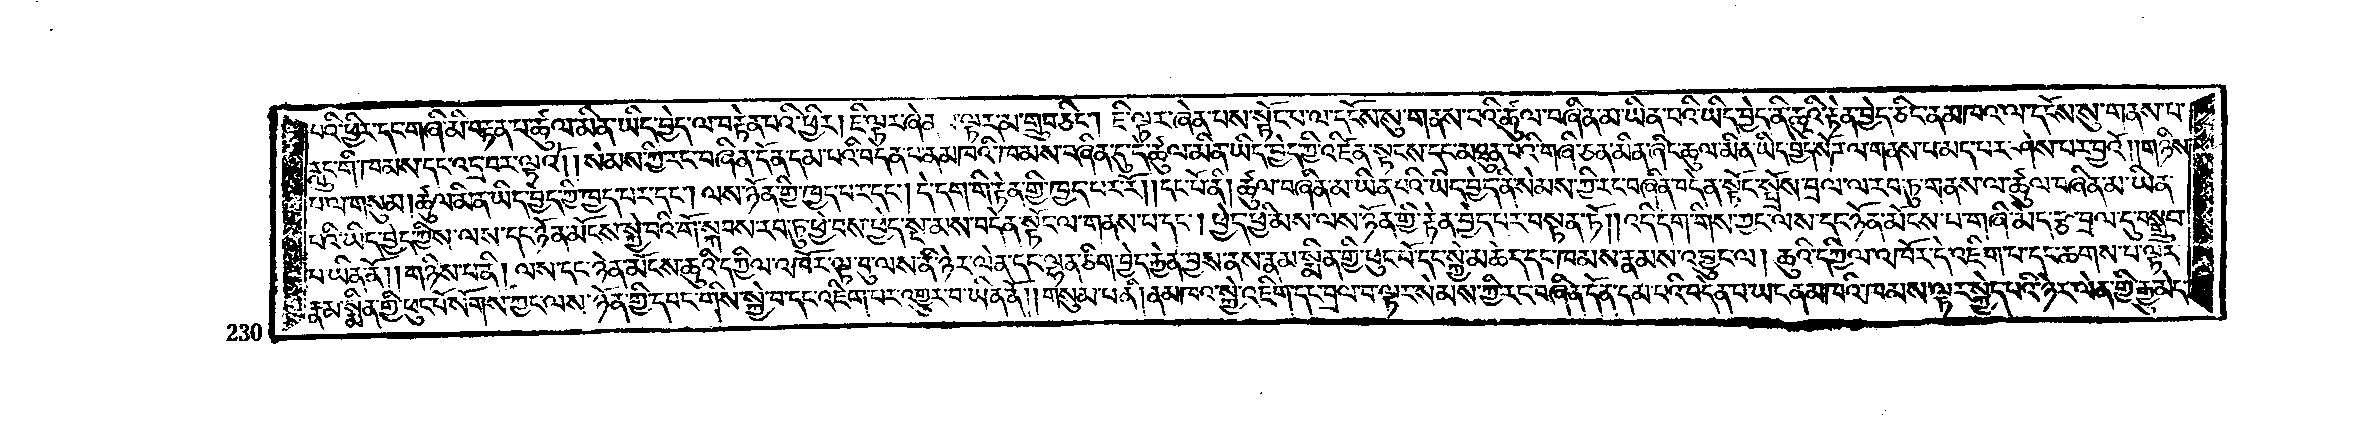པའི་ཕྱིར་དང་གཞི་མི་བརྟན་པ་ཚུལ་མིན་ཡིད་བྱེད་ལ་བརྟེན་པའི་ཕྱིར། ཇི་ལྟར་ཞེན་པ་ལྟར་མ་གྲུབ་ཅིང་། ཇི་ལྟར་ཞེན་པས་སྟོང་པ་ལ་དངོས་སུ་གནས་པའི་ཚུལ་བཞིན་མ་ཡིན་པའི་ཡིད་བྱེད་ནི་ཆུའི་རྟེན་བྱེད་ཅིང་ནམ་མཁའ་ལ་དངོས་སུ་གནས་པ་
རླུང་གི་ཁམས་དང་འདྲ་བར་ལྟའོ། །སེམས་ཀྱི་རང་བཞིན་དོན་དམ་པའི་བདེན་པ་ནམ་མཁའི་ཁམས་བཞིན་དུ་དེ་ཚུལ་མིན་ཡིད་བྱེད་ཀྱི་འཛིན་སྟངས་དང་མཐུན་པའི་གཞི་ཅན་མིན་ཞིང་ཚུལ་མིན་ཡིད་བྱེད་སོགས་ལ་གནས་པ་མེད་པར་ཤེས་པར་བྱའོ། །གཉིས་
པ་ལ་གསུམ། ཚུལ་མིན་ཡིད་བྱེད་ཀྱི་ཁྱད་པར་དང་། ལས་ཉོན་གྱི་ཁྱད་པར་དང་། དེ་དག་གི་རྟེན་གྱི་ཁྱད་པར་རོ། །དང་པོ་ནི། ཚུལ་བཞིན་མ་ཡིན་པའི་ཡིད་བྱེད་ནི་སེམས་ཀྱི་རང་བཞིན་བདེན་སྟོང་སྤྲོས་བྲལ་ལ་རབ་ཏུ་གནས་ལ་ཚུལ་བཞིན་མ་ཡིན་
པའི་ཡིད་བྱེད་ཀྱིས་ལས་དང་ཉོན་མོངས་སྐྱེ་བའི་གོ་སྐབས་རབ་ཏུ་ཕྱེ་བས་ཕྱེད་སྔ་མས་བདེན་སྟོང་ལ་གནས་པ་དང་། ཕྱེད་ཕྱི་མས་ལས་ཉོན་གྱི་རྟེན་བྱེད་པར་བསྟན་ཏོ། །འདི་དག་གིས་ཀྱང་ལས་དང་ཉོན་མོངས་པ་གཞི་མེད་རྩ་བྲལ་དུ་བསྒྲུབ་
པ་ཡིན་ནོ། །གཉིས་པ་ནི། ལས་དང་ཉེན་མོངས་ཆུའི་དཀྱིལ་འཁོར་ལྟ་བུ་ལས་ནི་ཉེར་ལེན་དང་ལྷན་ཅིག་བྱེད་རྐྱེན་བྱས་ནས་རྣམ་སྨིན་གྱི་ཕུང་པོ་དང་སྐྱེ་མཆེད་དང་ཁམས་རྣམས་འབྱུང་ལ། ཆུའི་དཀྱིལ་འཁོར་དེ་འཇིག་པ་དང་ཆགས་པ་ལྟར་
རྣམ་སྨིན་གྱི་ཕུང་པོ་སོགས་ཀྱང་ལས་ཉོན་གྱི་དབང་གིས་སྐྱེ་བ་དང་འཇིག་པར་འགྱུར་བ་ཡིན་ནོ། །གསུམ་པ་ནི། ནམ་མཁའ་སྐྱེ་འཇིག་དང་བྲལ་བ་ལྟར་སེམས་ཀྱི་རང་བཞིན་དོན་དམ་པའི་བདེན་པ་ཡང་ནམ་མཁའི་ཁམས་ལྟར་སྐྱེད་པའི་ཉེར་ལེན་གྱི་རྒྱུ་མེད་